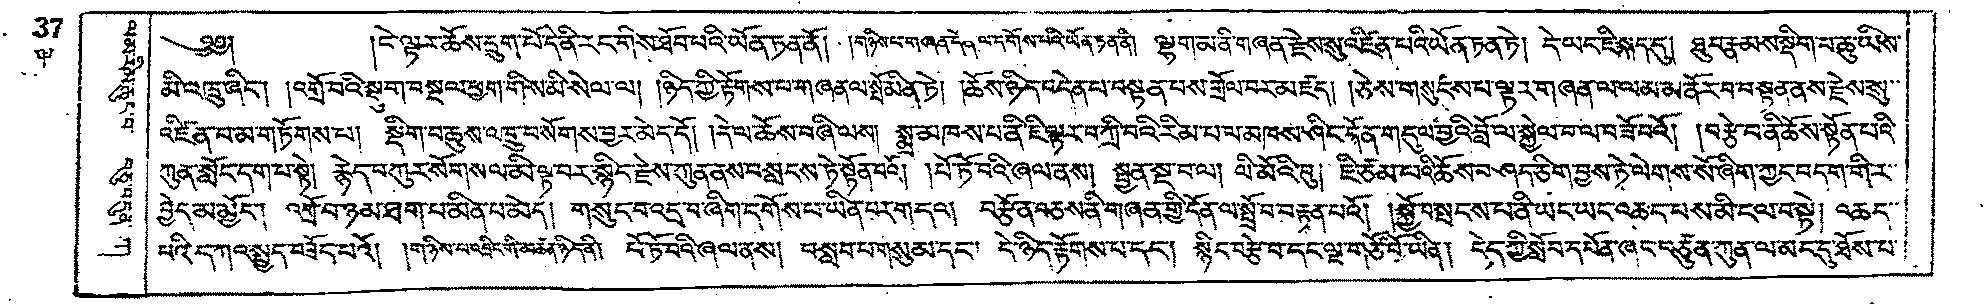༄༅། །དེ་ལྟར་ཆོས་དྲུག་པོ་དེ་ནི་རང་གིས་ཐོབ་པའི་ཡོན་ཏན་ནོ། །གཉིས་པ་གཞན་དོན་ལ་དགོས་པའི་ཡོན་ཏན་ནི།  ལྷག་མ་ནི་གཞན་རྗེས་སུ་འཛིན་པའི་ཡོན་ཏན་ཏེ། དེ་ཡང་ཇི་སྐད་དུ། ཐུབ་རྣམས་སྡིག་པ་ཆུ་ཡིས་
མི་འཁྲུ་ཞིང་། །འགྲོ་བའི་སྡུག་བསྔལ་ཕྱག་གིས་མི་སེལ་ལ། །ཉིད་ཀྱི་རྟོགས་པ་གཞན་ལ་སྤོ་མིན་ཏེ། །ཆོས་ཉིད་བདེན་པ་བསྟན་པས་གྲོལ་བར་མཛད། །ཅེས་གསུངས་པ་ལྟར་གཞན་ལ་ལམ་མ་ནོར་བ་བསྟན་ནས་རྗེས་སུ་
འཛིན་པ་མ་གཏོགས་པ། སྡིག་པ་ཆུས་འཁྲུ་བ་སོགས་བྱར་མེད་དོ། །དེ་ལ་ཆོས་བཞི་ལས། སྨྲ་མཁས་པ་ནི་ཇི་ལྟར་བཀྲི་བའི་རིམ་པ་ལ་མཁས་ཤིང་དོན་གདུལ་བྱའི་བློ་ལ་སྐྱེལ་བ་ལ་བཟོ་བའོ། །བརྩེ་བ་ནི་ཆོས་སྟོན་པའི་
ཀུན་སློང་དག་པ་སྟེ། རྙེད་བཀུར་སོགས་ལ་མི་ལྟ་བར་སྙིང་རྗེས་ཀུན་ནས་བསླངས་ཏེ་སྟོན་པའོ། །པོ་ཏོ་བའི་ཞལ་ནས། སྤྱན་སྔ་བ་ལ། ལི་མོའི་བུ། ཇི་ཙམ་པའི་ཆོས་བཤད་ཅིག་བྱས་ཏེ་ལེགས་སོ་ཞིག་ཀྱང་བདག་གིར་
བྱེད་མ་མྱོང་། འགྲོ་བ་ཉམ་ཐག་པ་མིན་པ་མེད། གསུང་བ་འདྲ་བ་ཞིག་དགོས་པ་ཡིན་པར་གདའ། བརྩོན་བཅས་ནི་གཞན་གྱི་དོན་ལ་སྤྲོ་བ་བརྟན་པའོ། །སྐྱོ་བ་སྤངས་པ་ནི་ཡང་ཡང་འཆད་པས་མི་ངལ་བ་སྟེ། འཆད་
པའི་དཀའ་སྤྱད་བཟོད་པའོ། །གཉིས་པ་འབྲིང་གི་མཚན་ཉིད་ནི།  པོ་ཏོ་བའི་ཞལ་ནས། བསླབ་པ་གསུམ་དང་། དེ་ཉིད་རྟོགས་པ་དང་། སྙིང་བརྩེ་བ་དང་ལྔ་གཙོ་བོ་ཡིན། ངེད་ཀྱི་སློབ་དཔོན་ཞང་བཙུན་ཀུན་ལ་མང་དུ་ཐོས་པ་